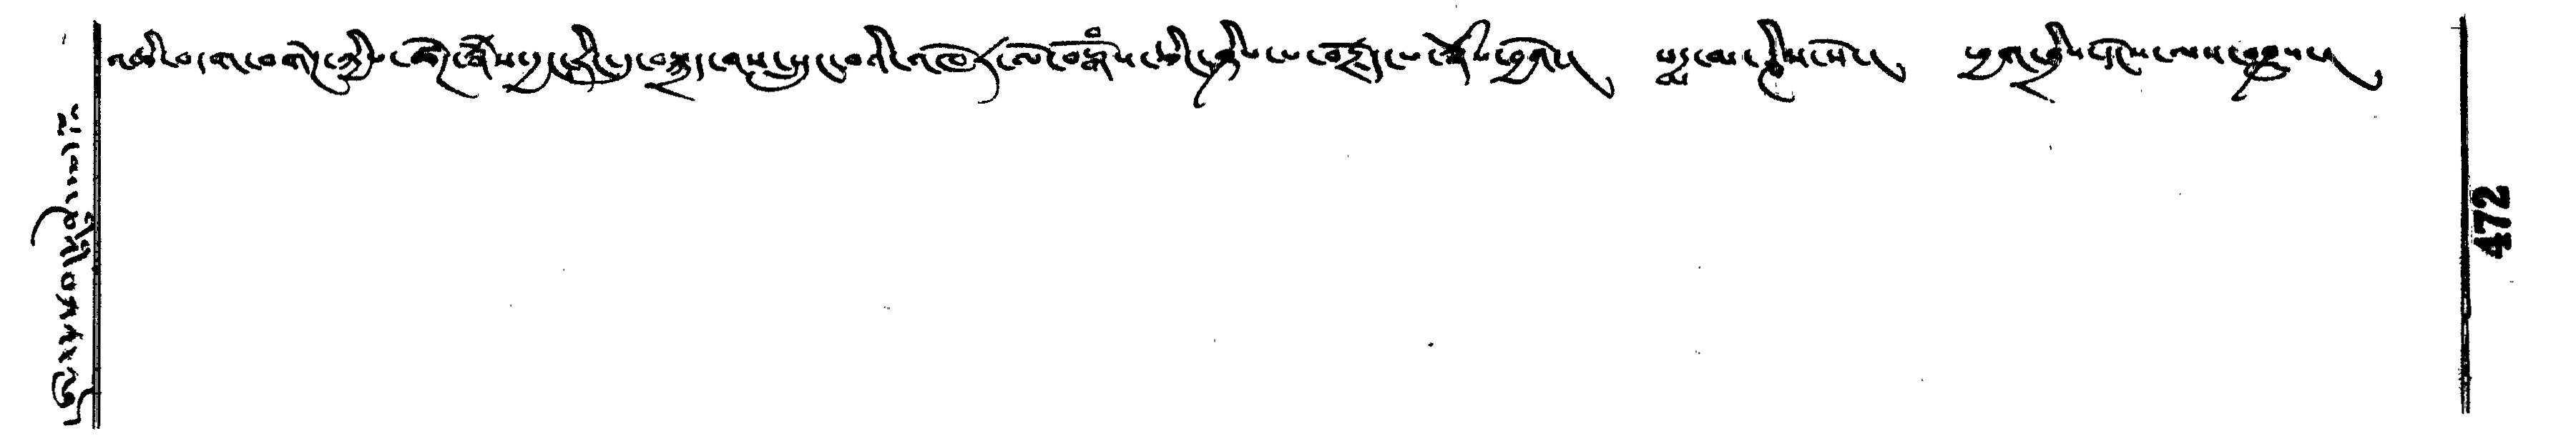འཆི་བདག་བགེགས་ཀྱིས་ཚོགས་རྣམས་རྒྱང་རིང་དུ་བསྐྲད་ནས་སྲུང་བའི་འཁོར་ལོ་བསྒོམ་ཅིང་ཤིས་པ་བརྗོད་པ་རྣམས་བྱའོ།། པདྨ་མ་ཎིས་སོ།།